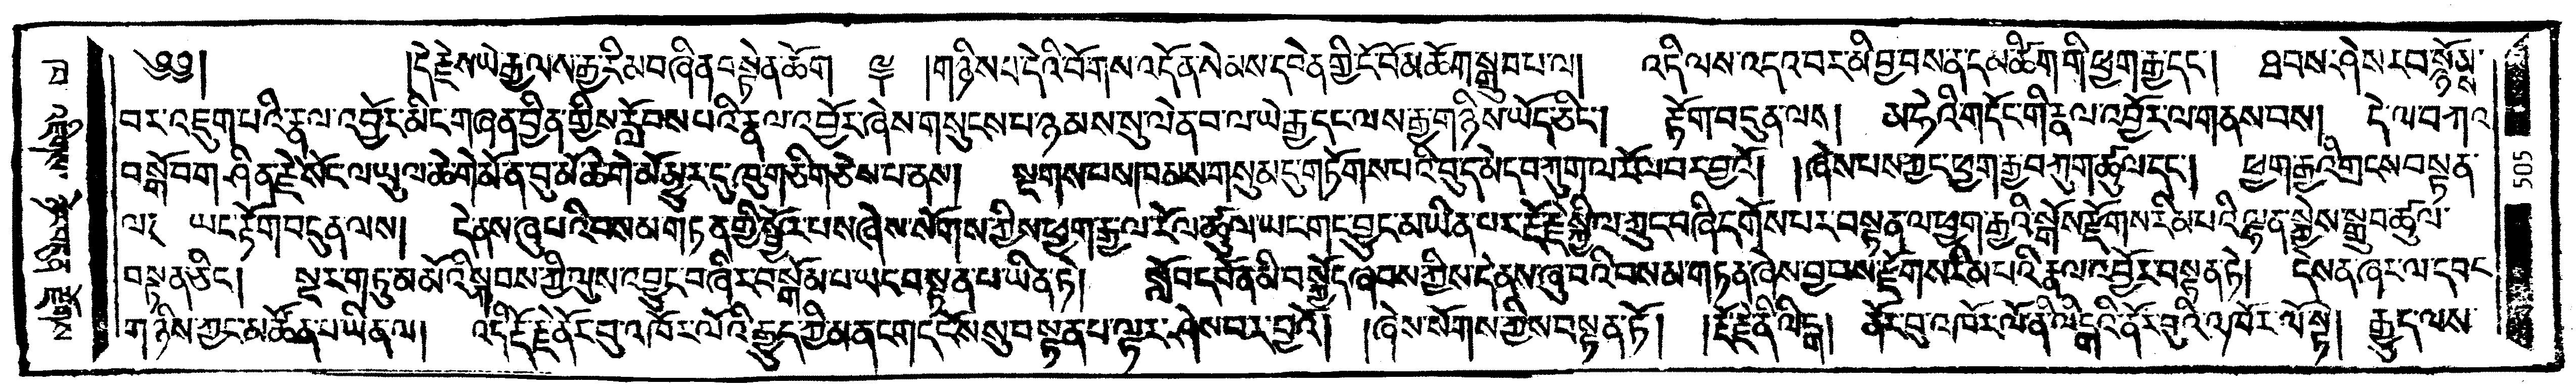༄༅། །དེ་རྗེས་ཡེ་རྒྱ་ལས་རྒྱ་རིམ་བཞིན་བསྟེན་ཆོག ༈ །གཉིས་པ་དེའི་བོགས་འདོན་སེམས་དབེན་གྱི་ངོ་བོ་མཆོག་སྒྲུབ་པ་ལ། འདི་ལས་འདའ་བར་མི་བྱ་བས་ན་དམ་ཚིག་གི་ཕྱག་རྒྱ་དང་། ཐབས་ཤེས་རབ་སྙོམས་
བར་འཇུག་པའི་རྣལ་འབྱོར་མིང་གཞན་བྱིན་གྱིས་རློབས་པའི་རྣལ་འབྱོར་ཞེས་གསུངས་པ་ཉམས་སུ་ལེན་པ་ལ་ཡེ་རྒྱ་དང་ལས་རྒྱ་གཉིས་ཡོད་ཅིང་། རྟོག་བདུན་ལས། མ་ཧེའི་གདོང་གི་རྣལ་འབྱོར་ལ་གནས་བས། དེ་ལ་བཀའ་
བསྒོ་བ་གཤིན་རྗེ་སོང་ལ་ཡུལ་ཆེ་གེ་མོ་ན་བུ་མོ་ཆེ་གེ་མོ་མྱུར་དུ་ཁུ་གཅིག་ཅེས་པ་ནས། སྔགས་པས་ཁམས་གསུམ་དུ་གཏོགས་པའི་བུད་མེད་བཀུག་ལ་རོལ་བར་བྱའོ། །ཞེས་པས་ཀྱང་ཕྱག་རྒྱ་བཀུག་ཚུལ་དང་། ཕྱག་རྒྱའི་གྲངས་བསྟན་
ལ༑ ཡང་རྟོག་བདུན་ལས། དེ་ནས་ཞུ་པའི་བསམ་གཏན་གྱི་སྦྱོར་པས་ཞེས་སོགས་ཀྱིས་ཕྱག་རྒྱ་རོལ་ཚུལ་ཡང་གང་བྱུང་མ་ཡིན་པར་རྡོ་རྗེ་སྐྱིལ་ཀྲུང་བཞི་དགོས་པར་བསྟན་ལ་ཕྱག་རྒྱའི་སྒོས་རྫོགས་རིམ་པའི་ལྷན་སྐྱེས་སྒྲུབ་ཚུལ་
བསྟན་ཅིང་། སྔར་གཏུམ་མོའི་སྐབས་ཀྱི་ལུས་འབྱུང་བཞིར་བསྒོམ་པ་ཡང་བསྟན་པ་ཡིན་ཏེ། སློབ་དཔོན་མི་བསྐྱོད་ཞབས་ཀྱིས་དེ་ནས་ཞུ་བའི་བསམ་གཏན་ཞེས་བྱ་བས་རྫོགས་རིམ་པའི་རྣལ་འབྱོར་བསྟན་ཏེ། དེས་ན་ཞར་ལ་དབང་
གཉིས་ཀྱང་མཚོན་པ་ཡིན་ལ། འདི་རྡོ་རྗེ་ནོར་བུ་འཁོར་ལོའི་རྒྱུད་ཀྱི་མན་ངག་དངོས་སུ་བསྟན་པ་ལྟར་ཤེས་པར་བྱའོ། །ཞེས་སོགས་ཀྱིས་བསྟན་ཏོ། །རྡོ་རྗེ་ནི་ལིངྒ། ནོར་བུ་འཁོར་ལོ་ནི་ལིངྒའི་ནོར་བུའི་འཁོར་ལོ་སྟེ། རྒྱུད་ལས་